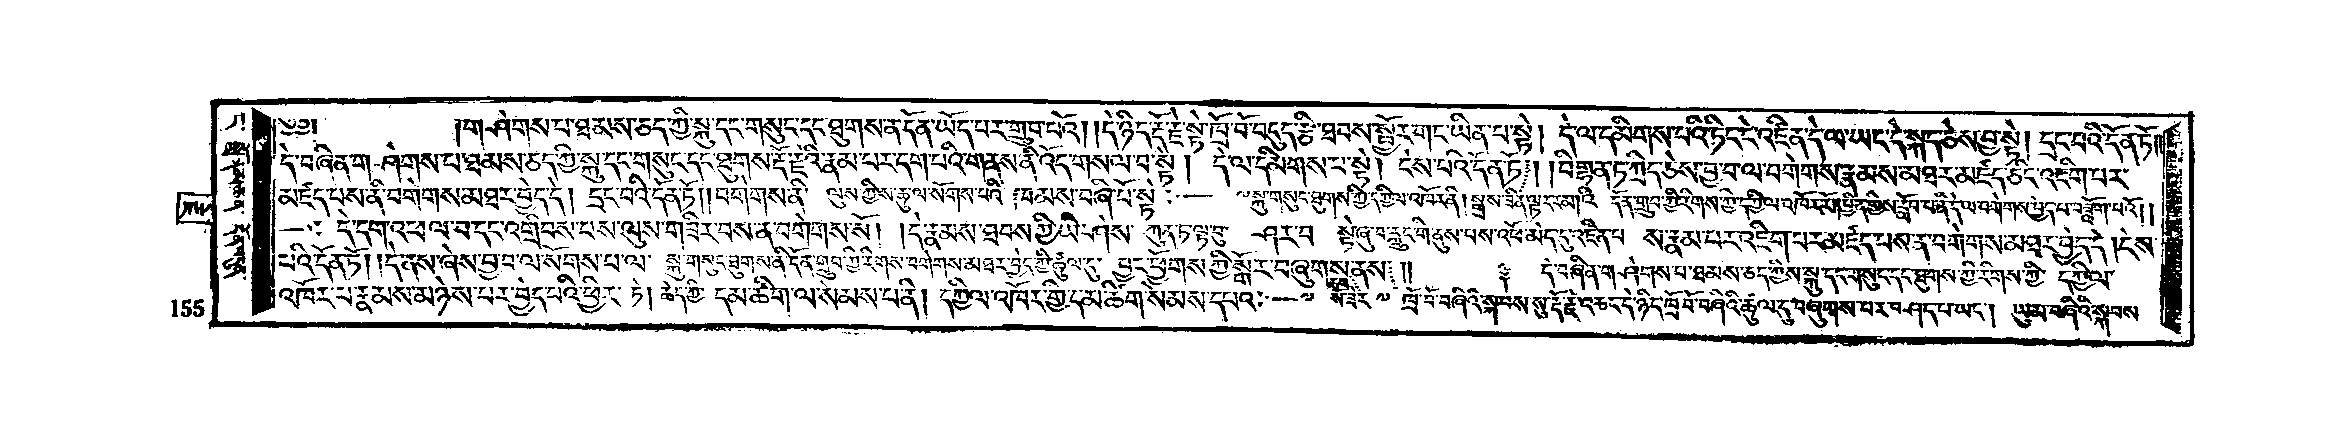༄༅། །གཤེགས་པ་ཐམས་ཅད་ཀྱི་སྐུ་དང་གསུང་དང་ཐུགས་ན་དོན་ཡོད་པར་གྲུབ་པའོ། །དེ་ཉིད་རྡོ་རྗེ་སྟེ་ཁྲོ་བོ་བདུད་རྩི་ཐབས་སྦྱོར་གང་ཡིན་པ་སྟེ། དེ་ལ་དམིགས་པའི་ཏིང་ངེ་འཛིན་དེ་ལ་ཡང་དེ་སྐད་ཅེས་བྱ་སྟེ། དྲང་བའི་དོན་ཏོ། །
དེ་བཞིན་གཤེགས་པ་ཐམས་ཅད་ཀྱི་སྐུ་དང་གསུང་དང་ཐུགས་རྡོ་རྗེའི་རྣམ་པར་དག་པའི་གནས་ནི་འོད་གསལ་བ་སྟེ། དེ་ལ་དམིགས་པ་སྟེ། ངེས་པའི་དོན་ཏོ། །བིགྷྣཱན་ཏ་ཀྲིད་ཅེས་བྱ་བ་ལ་བགེགས་རྣམས་མཐར་མཛད་ཅིང་འཇིག་པར་
མཛད་པས་ནི་བགེགས་མཐར་བྱེད་དེ། དྲང་བའི་དོན་ཏོ། །བགེགས་ནི་ལུས་ཀྱི་ས་ཆུ་ལ་སོགས་པའི་ཁམས་བཞི་པོ་སྟེཿ་༧སྐུ་གསུང་ཐུགས་ཀྱི་དཀྱིལ་འཁོར་ནི། སྒྲས་ཟིན་ལྟར་རམ། འི་དོན་གྲུབ་ཀྱི་རིགས་ཀྱི་དཀྱིལ་འཁོར་རོ། །བྱིན་གྱིས་རློབ་པ་ནི་དེ་ལ་བགེགས་བྱེད་པ་བཟློག་པའོ། །
.Hདེ་དག་འཕལ་བ་དང་འགྲིབས་པས་ལུས་གཟིར་བས་ན་བགེགས་སོ། །དེ་རྣམས་ཐབས་ཀྱི་ཡེ་ཤེས་ཀུན་ཏ་ལྟ་བུ་ཤར་པ་སྟེ་ཞུ་བ་རླུང་གི་ནུས་པས་འཕོ་མེད་དུ་འཛིན་པས་རྣམ་པར་འཇིག་པར་མཛད་པས་ན་བགེགས་མཐར་བྱེད་དེ། ངེས་
པའི་དོན་ཏོ། །དེ་ནས་ཞེས་བྱ་བ་ལ་སོགས་པ་ལ་སྐུ་གསུང་ཐུགས་ནི་དོན་གྲུབ་ཀྱི་རིགས་བགེགས་མཐར་བྱེད་ཀྱི་ཚུལ་དུ་བྱང་ཕྱོགས་ཀྱི་སྒོར་བཞུགས་ནས།། ༈ དེ་བཞིན་གཤེགས་པ་ཐམས་ཅད་ཀྱིས་སྐུ་དང་གསུང་དང་ཐུགས་ཀྱི་རིགས་ཀྱི་དཀྱིལ་
འཁོར་པ་རྣམས་མཉེས་པར་བྱེད་པའི་ཕྱིར་ཏེ། ཆེད་ཀྱི་དམ་ཚིག་ལ་སེམས་པ་ནི། དཀྱིལ་འཁོར་གྱི་དམ་ཚིག་སེམས་དཔའཿ་ཆག་༧སོ་ཟེར་༧ཁྲོ་བོ་བཞིའི་སྐབས་སུ་རྡོ་རྗེ་འཆང་དེ་ཉིད་ཁྲོ་བོ་བཞིའི་ཚུལ་དུ་བཞུགས་པར་བཤད་པ་ཡང་། ཡུམ་བཞིའི་སྐབས་